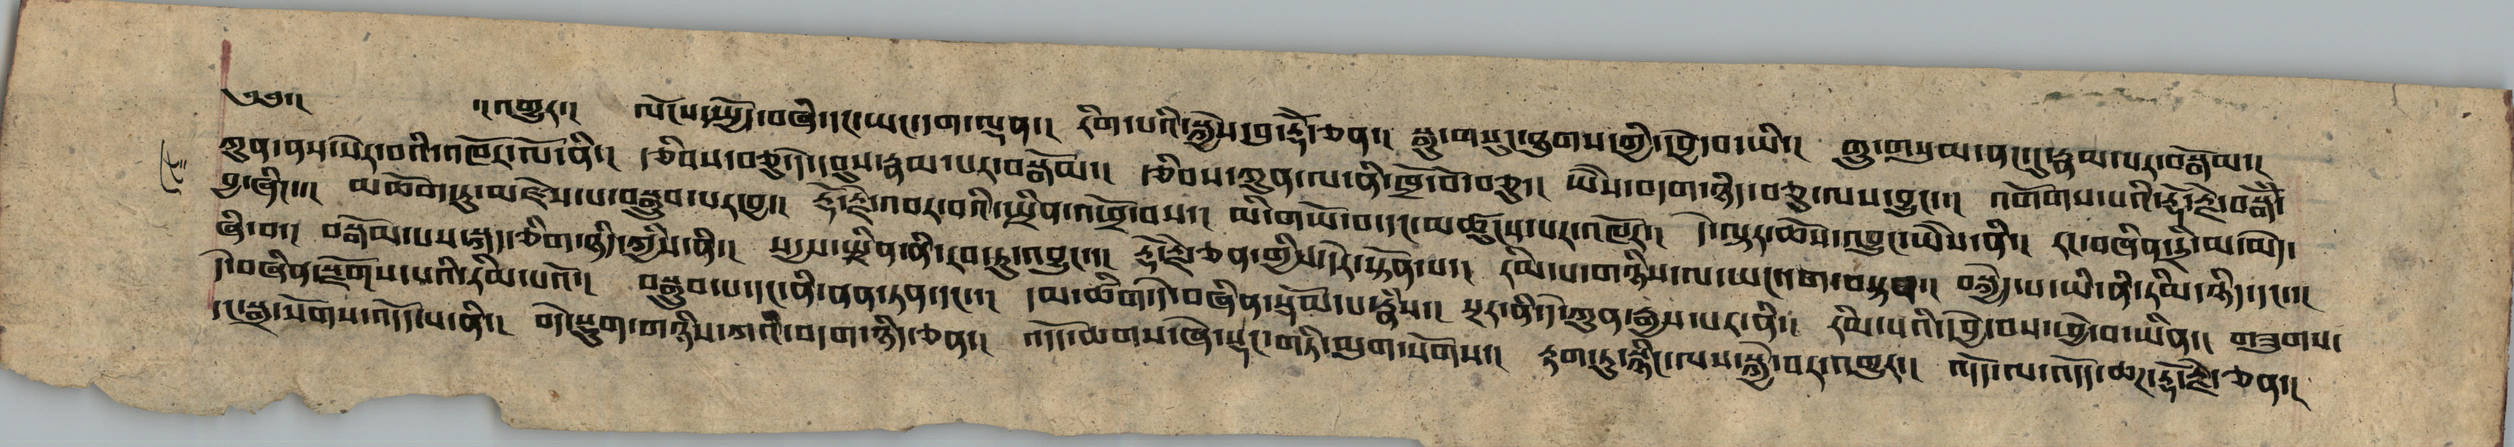༄༅་། ་།འགྱུར་། ལོངས་སྤྱོད་བཞི་དང་ཡང་དག་ལྡན་། རིག་པའི་སྐྱེས་བུ་རྡོེ་ཅན་། སྐུ་གསུང་ཐུགས་ཀྱི་དབྱེ་བ་ཡི་། གྲུ་གསུམ་ནང་དུ་རྣམ་པར་བསྒོམ་།
ཀུན་ནས་སེར་བའི་འཁོར་ལོ་ནི་། རྩིབས་བཅུ་དེ་དབུས་རྣམ་པར་བསྒོམ་། རྩིབས་ཀུན་ལ་ནི་ཁྲོ་བོ་བཅུ་། ཡཻས་བདག་ཉིད་བཅུ་ལས་བྱུང་་། འགོགས་པའི་རྡོ་རྗེ་བསྒོཾ་
བྱ་ཞིང་་། མཆོག་ཏུ་མཛེས་པ་བསྒྲུབ་པར་བྱ་། རྡོ་རྗེ་འབར་བའི་སྤྲིན་འཕྲོ་བས་། མི་གཡོ་བ་དང་མཚུངས་པར་འཁོར་། དེ་ལྟར་ཆོས་འབྱུང་ཡཻས་ནི་། རང་བཞིན་དྲི་མ་མེད་
ཞི་བ་། བསྒོམ་པས་སྐད་ཅིག་ཉིད་ཀྱིས་ནི་། སདྱས་སྤྲིན་ནི་རབ་ཏུ་འབྱུང་་། རྡོ་རྗེ་ཅན་གྱིས་དེར་སྟོན་པ་། རིམ་པ་གཉིས་ལ་ཡང་དག་བསྟན་། བསྐྱེད་པ་ཡི་ནི་རིམ་ཉིད་དང་་།
དེ་བཞིན་སྫོགས་པའི་རིམ་པའོ་། བསྒྲུབ་པ་དང་ནི་ནན་ཏན་དང་་། དམ་ཚིག་དེ་བཞིན་སྡོམ་པ་རྣཾས་། སྔར་ནི་དེ་ཀུན་རྒྱས་པར་ནི་། རིམ་པའི་དབྱེ་བས་ཕྱེ་བ་ཡིན་། གཟུགས་
དང་སྒྲ་སོགས་འདོད་པ་ནི་། བདེ་སྡུག་གཉིས་ཀའི་བདག་ཉིད་ཅན་། འདོད་ཆགས་ཞེ་སྡང་གཏི་མུག་སོགས་། རྟག་ཏུ་སྙིང་ལས་སྐྱེ་བར་འགྱུར་། འདོད་ལ་འདོད་ཆཌ་རྡོ་རྗེ་ཅན་།